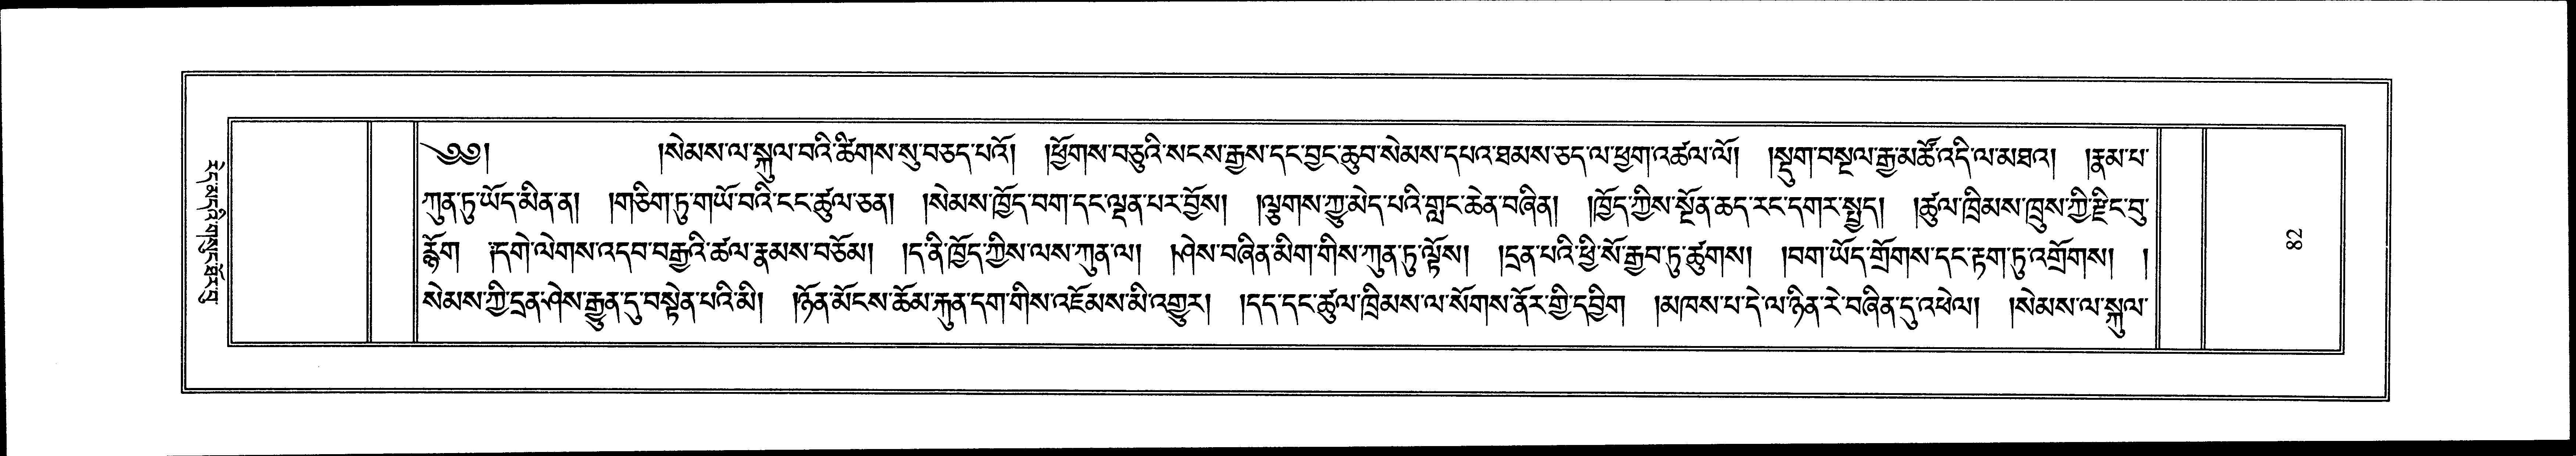༄༅། །སེམས་ལ་སྐུལ་བའི་ཚིགས་སུ་བཅད་པའོ། །ཕྱོགས་བཅུའི་སངས་རྒྱས་དང་བྱང་ཆུབ་སེམས་དཔའ་ཐམས་ཅད་ལ་ཕྱག་འཚལ་ལོ། །སྡུག་བསྔལ་རྒྱ་མཚོ་འདི་ལ་མཐའ། །རྣམ་པ་
ཀུན་ཏུ་ཡོད་མིན་ན། །གཅིག་ཏུ་གཡོ་བའི་ངང་ཚུལ་ཅན། །སེམས་ཁྱོད་བག་དང་ལྡན་པར་བྱོས། །ལྕགས་ཀྱུ་མེད་པའི་གླང་ཆེན་བཞིན། །ཁྱོད་ཀྱིས་སྔོན་ཆད་རང་དགར་སྤྱད། །ཚུལ་ཁྲིམས་ཁྲུས་ཀྱི་རྫིང་བུ་
རྙོག །དགེ་ལེགས་འདབ་བརྒྱའི་ཚལ་རྣམས་བཅོམ། །ད་ནི་ཁྱོད་ཀྱིས་ལས་ཀུན་ལ། །ཤེས་བཞིན་མིག་གིས་ཀུན་ཏུ་ལྟོས། །དྲན་པའི་ཕྱི་སོ་རྒྱབ་ཏུ་ཚུགས། །བག་ཡོད་གྲོགས་དང་རྟག་ཏུ་འགྲོགས། །
སེམས་ཀྱི་དྲན་ཤེས་རྒྱུན་དུ་བསྟེན་པའི་མི། །ཉོན་མོངས་ཆོམ་རྐུན་དག་གིས་འཇོམས་མི་འགྱུར། །དད་དང་ཚུལ་ཁྲིམས་ལ་སོགས་ནོར་གྱི་དབྱིག །མཁས་པ་དེ་ལ་ཉིན་རེ་བཞིན་དུ་འཕེལ། །སེམས་ལ་སྐུལ་